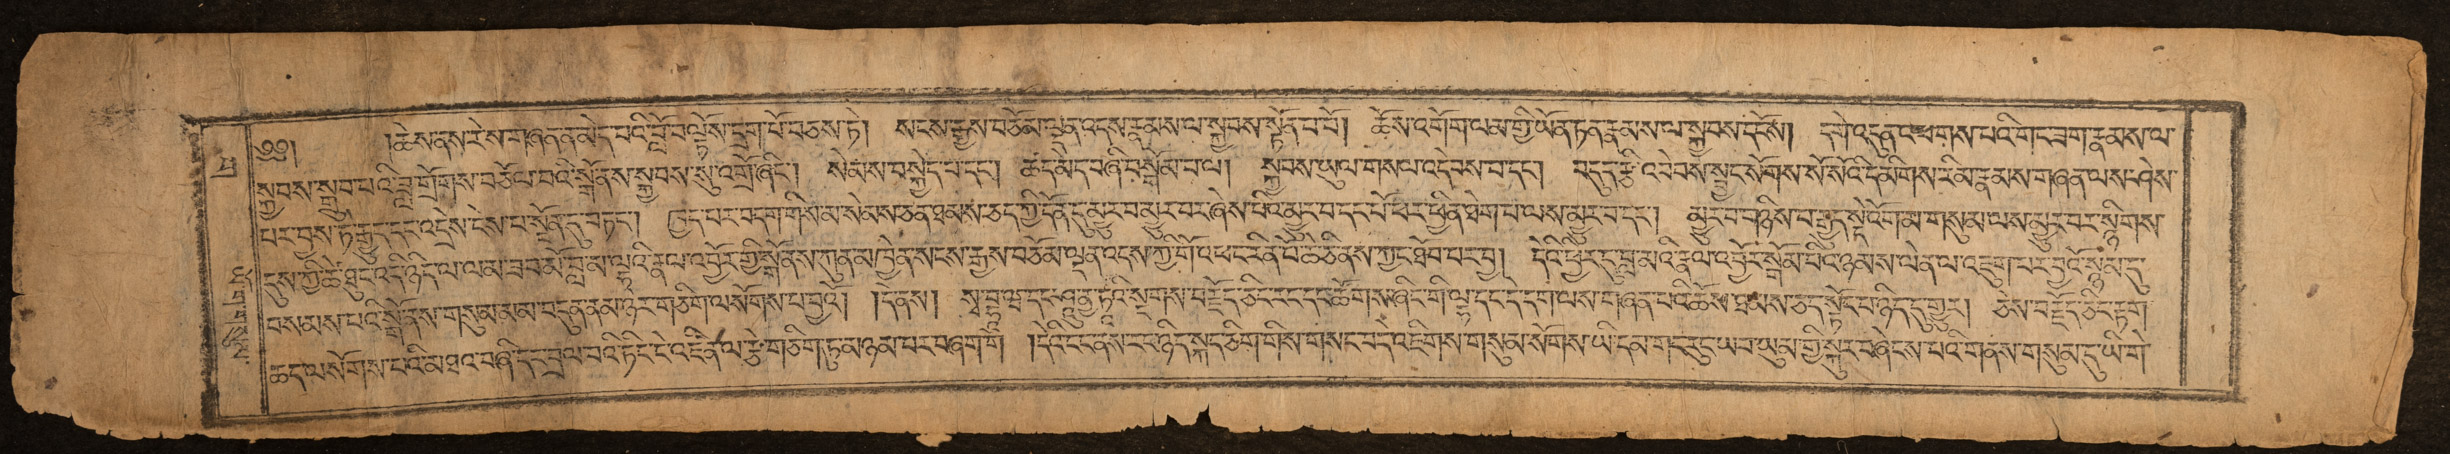༄༅། །ཆེས་ནས་རེ་ས་གཞན་ན་མེད་བའི་བློ་བལྟོས་དྲག་བོ་བཅས་ཏེ། སངས་རྒྱས་བཅོམ་ལྡན་འདས་རྣམས་ལ་སྐྱབས་སྟོན་བ་བོ། ཆོས་འགོག་ལམ་གྱི་ཡོན་ཏན་རྣམས་ལ་སྐྱབས་དངོས། དགེ་འདུན་འཕགས་པའི་གང་ཟག་རྣམས་ལ་
སྐྱབས་སྒྲུབ་པའི་ཟླ་གྲོགས་བཅོལ་བའི་སྒོ་ནས་སྐྱབས་སུ་འགྲོ་ཞིང་། སེམས་བསྐྱེད་པ་དང་། ཚད་མེད་བཞི་བསྒོམ་པ་ལ། སྐྱབས་ཡུལ་གསལ་འདེབས་པ་དང་། བདུད་རྩི་འབེབས་སྦྱང་སོགས་སོ་སོའི་དམིགས་རིམ་རྣམས་གཞན་ལས་ཤེས་
པར་བྱས་ཏེ་རྒྱུད་དང་འདྲེས་ངེས་པ་སྔོན་དུ་བཏང་། ཁྱད་པར་བདག་གིས་མ་སེམས་ཅན་ཐམས་ཅད་ཀྱི་དོན་དུ་མྱུར་བ་མྱུར་བར་ཞེས་པའི་མྱུར་བ་དང་པོ་ཕར་ཕྱིན་ཐེག་པ་ལས་མྱུར་བ་དང་། མྱུར་བ་གཉིས་པ་རྒྱུད་སྡེ་འོག་མ་གསུམ་ལས་མྱུར་བར་སྙིགས་
དུས་ཀྱི་ཚེ་ཐུང་འདི་ཉིད་ལ་ལམ་ཟབ་མོ་བླ་མ་ལྷའི་རྣལ་འབྱོར་གྱི་སྒོ་ནས་ཀུན་མཁྱེན་སངས་རྒྱས་བཅོམ་ལྡན་འདས་ཀྱི་གོ་འཕང་རིན་པོ་ཆེ་ཅི་ནས་ཀྱང་ཐོབ་པར་བྱ། དེའི་ཕྱིར་དུ་བླ་མའི་རྣལ་འབྱོར་སྒོམ་པའི་ཉམས་ལེན་ལ་འཇུག་པར་བྱའོ་སྙམ་དུ་
བསམས་པའི་སྒོ་ནས་གསུམ་མམ་བདུན་ནམ་ཉེར་གཅིག་ལ་སོགས་པ་བྱའོ། །དེ་ནས། སྭ་བྷ་ཝ་དང་ཤཱུནྱ་ཏཱའི་སྔགས་བརྗོད་ཅིང་རང་དང་ཚོགས་ཞིང་གི་ལྷ་དང་དེ་དག་ལས་གཞན་པའི་ཆོས་ཐམས་ཅད་སྟོང་པ་ཉིད་དུ་གྱུར། ཅེས་བརྗོད་ཅིང་རྟག་
ཆད་ལ་སོགས་པའི་མཐའ་བཞི་དང་བྲལ་བའི་ཏིང་ངེ་འཛིན་ལ་རྩེ་གཅིག་ཏུ་མཉམ་པར་བཞག་གོ །དེའི་ངང་ནས་རང་ཉིད་སྐད་ཅིག་གིས་གསང་བདེ་འཇིགས་གསུམ་སོགས་ཡི་དམ་གང་རུང་ཡབ་ཡུམ་གྱི་སྐུར་བཞེངས་པའི་གནས་གསུམ་དུ་ཡི་གེ་